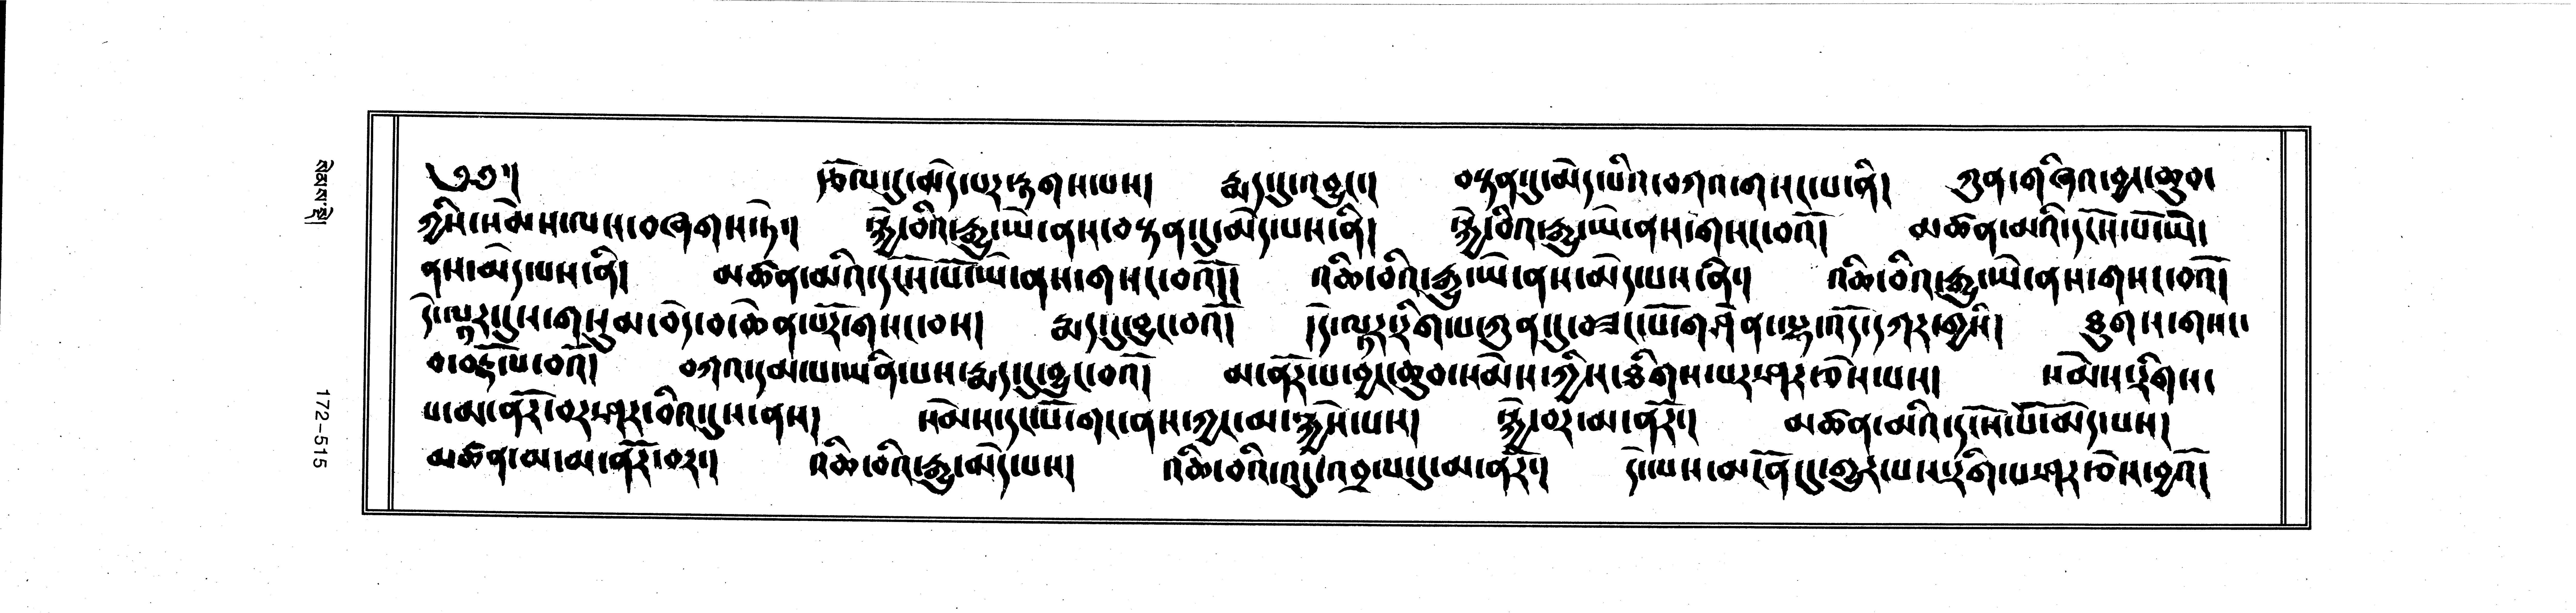རྩོལ་དུ་མེད་པར་རྟགས་པས། རྨད་དུ་འབྱུང་། བསྟན་དུ་མེད་པའི་བཀའ་གསང་པ་ནི། ཀུན་གཞིའ་བྱང་ཆུབ་
ཀྱིས་སེམས་ལས་བཞགས་ཏེ། སྐྱེ་བའི་རྒྱུ་ཡེ་ནས་བསྟན་དུ་མེད་པས་ནི། སྐྱེ་བའི་རྒྱུ་ཡེ་ནས་གསང་བའོ། མཚན་མའི་དངོས་པོ་ཡེ་
ནས་མེད་པས་ནི། མཚན་མའི་དངོས་པོ་ཡེ་ནས་གསང་བའོ། འཆི་བའི་རྒྱུ་ཡེ་ནས་མེད་པས་ནི། འཆི་བའི་རྒྱུ་ཡེ་ནས་གསང་བའོ། 
དེ་ལྟར་དུས་གསུམ་བདེ་བ་ཆེན་པོར་གསང་བས་རྨད་དུ་བྱུང་བའོ། དེ་ལྟར་རིག་པ་ཀུན་ཏུ་བཟང་པོ་གཤེན་ལྷ་འོད་དཀར་གྱིས། ཐུགས་གསང་
བ་བརྡོལ་བའོ། བཀའ་དམ་པ་ཡིན་པས་རྨད་དུ་བྱུང་བའོ། མ་ནོར་པ་བྱང་ཆུབ་སེམས་ཀྱིས་ཐིག་པར་ཤར་ཅེས་པས། སེམས་རིག་
པ་མ་ནོར་བར་ཤར་བའི་དུས་ནས། སེམས་དང་པོ་གང་ནས་ཀྱང་མ་སྐྱེས་པས། སྐྱེ་བར་མ་ནོར། མཚན་མའི་དངོས་པོ་མེད་པས། 
མཚན་མ་མ་ནོར་བར། འཆི་བའི་རྒྱུ་མེད་པས། འཆི་བའི་འདུ་འབྲལ་དུ་མ་ནོར། དེ་ལས་མངོན་དུ་གྱུར་པས་རིག་པ་ཤར་ཅེས་བྱའོ།